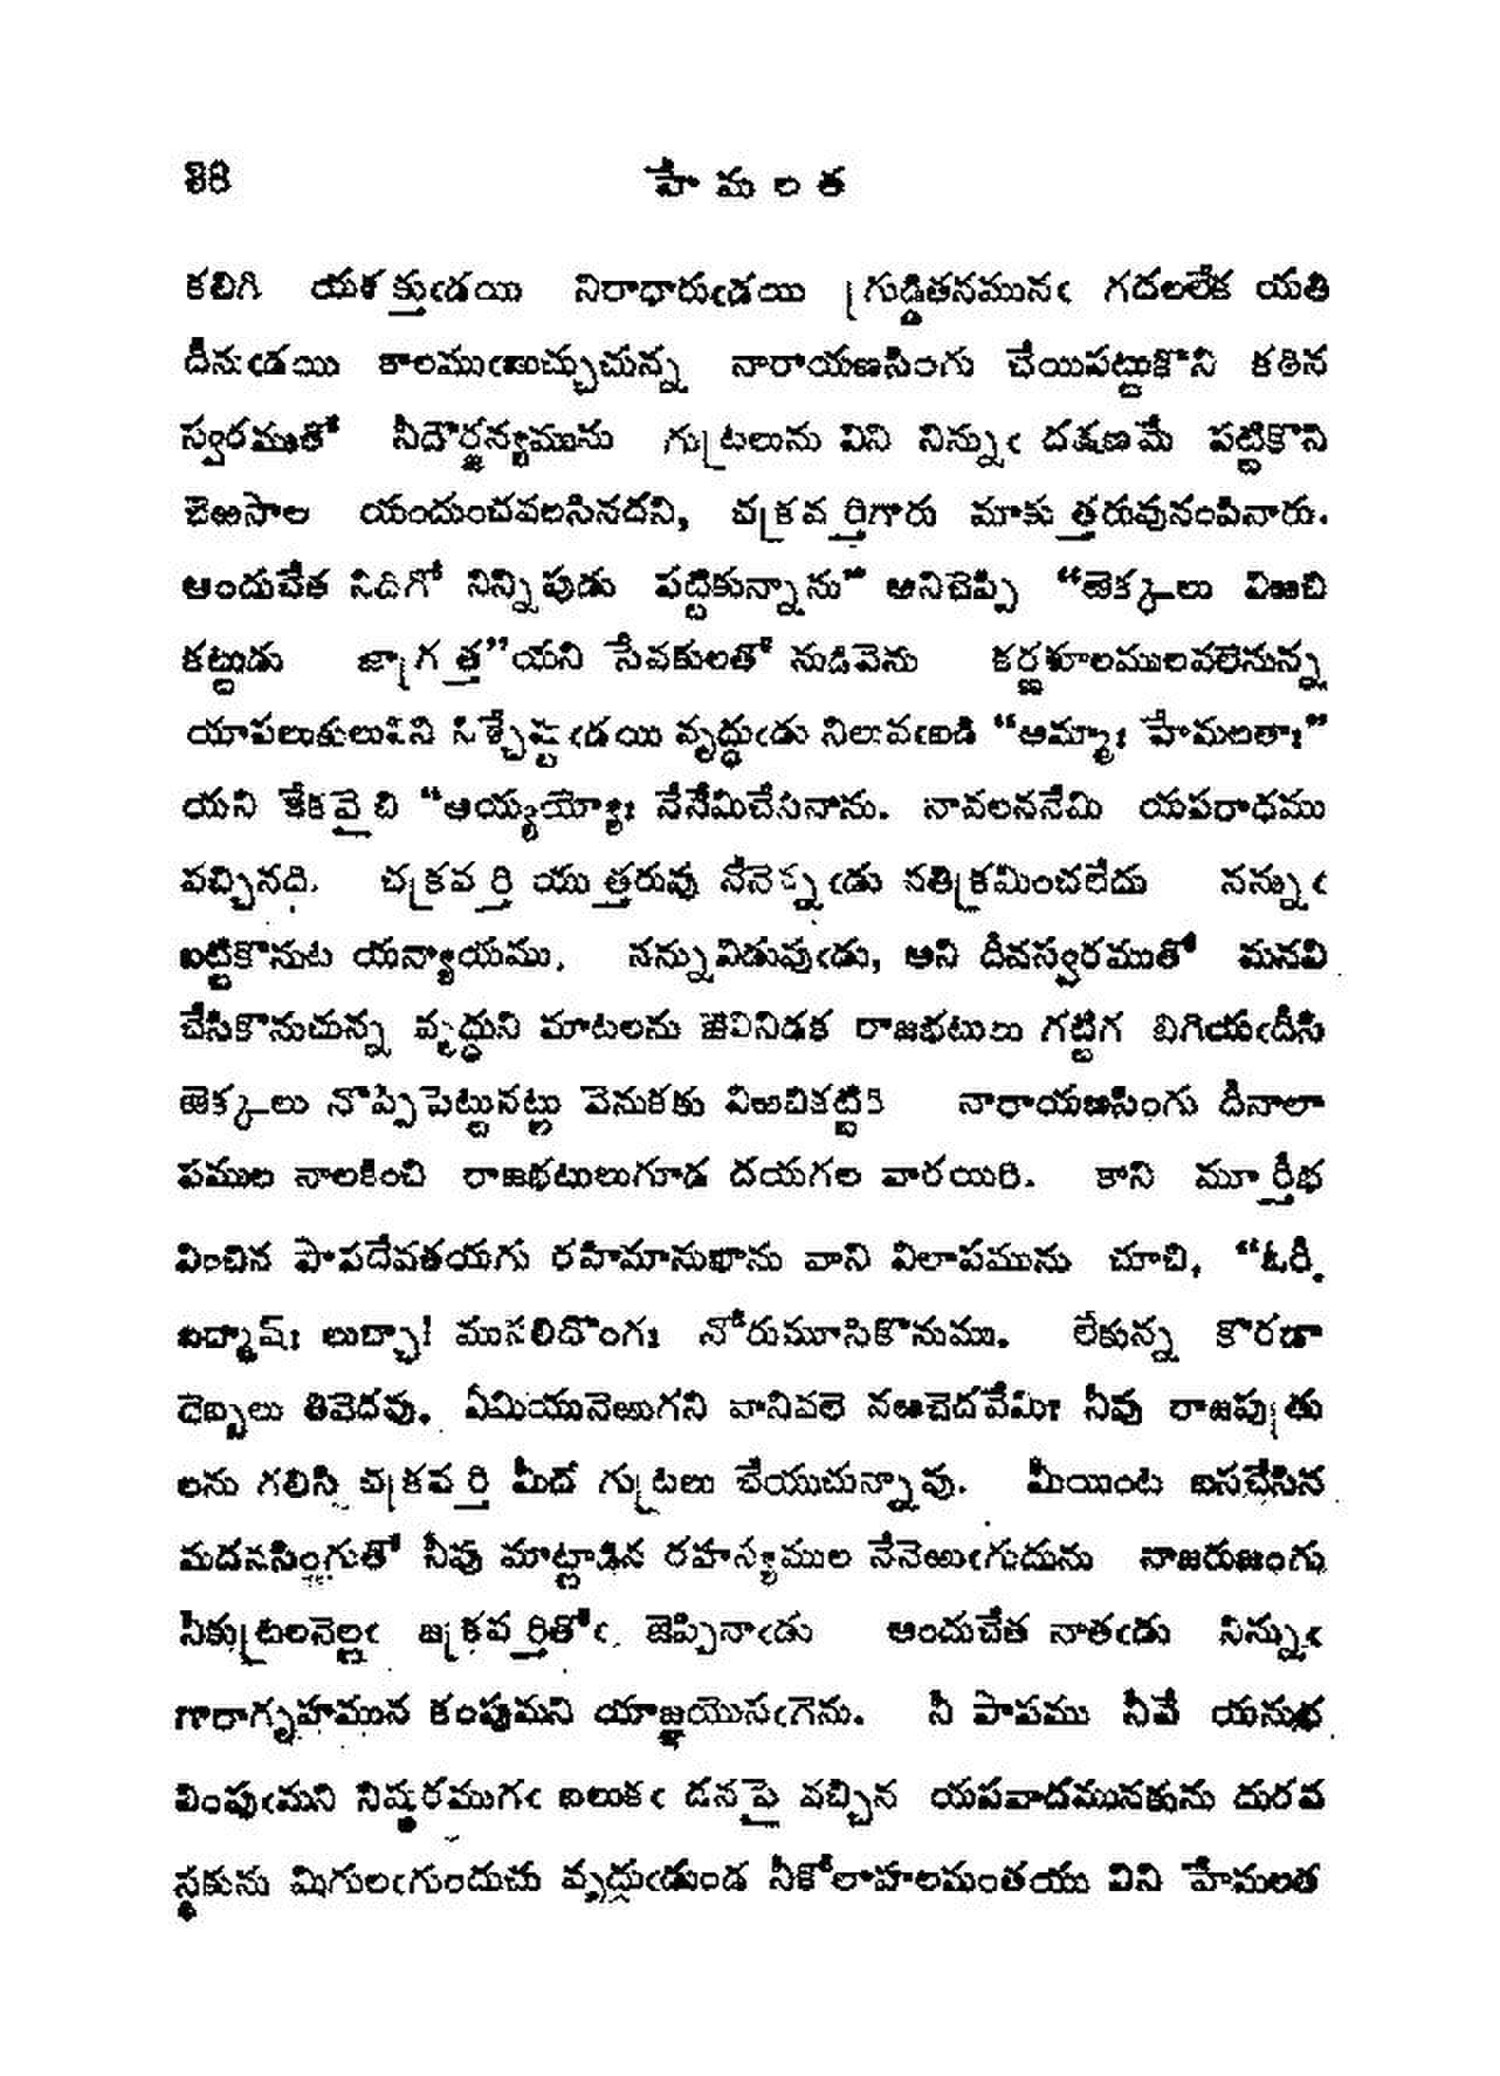కలిగి యశక్తుఁడయి నిరాధారుఁడయి గ్రుడ్డితనమునఁ గదలలేక యతి దీనుఁడయి కాలముఁబుచ్చుచున్న నారాయణసింగు చేయిపట్టుకొని కఠిన స్వరముతో నీదౌర్జన్యమును గుట్రలును విని నిన్నుఁ దక్షణమే పట్టికొని చెఱసాల యందుంచవలసినదని, చక్రవర్తిగారు మాకుత్తరువునంపినారు. అందుచేత నిదిగో నిన్నిపుడు పట్టికున్నాను” అని చెప్పి “ఱెక్కలు విఱచి కట్టుడు జాగ్రత్త”యని సేవకులతో నుడివెను. కర్ణశూలములవలెనున్న యాపలుకులు విని నిశ్చేష్టుఁడయి వృద్ధుఁడు నిలువఁబడి “అమ్మా! హేమలతా!” యని కేక వైచి “అయ్యయ్యో! నేనేమిచేసినాను. నావలననేమి యపరాధము వచ్చినది. చక్రవర్తి యుత్తరువు నేనెన్నఁడు నతిక్రమించలేదు. నన్ను బట్టికొనుట యన్యాయము. నన్ను విడువుఁడు, అని దీనస్వరముతో మనవి చేసికొనుచున్న వృద్ధుని మాటలను జెవినిడక రాజభటులు గట్టిగ బిగియఁదీసి ఱెక్కలు నొప్పి పెట్టునట్లు వెనుకకు విఱచికట్టిరి. నారాయణసింగు దీనాలాపముల నాలకించి రాజాథటులుగూడ దయగల వారయిరి. కాని మూర్తీభవించిన పాపదేవతయగు రహిమానుఖాను వాని విలాపమును చూచి, “ఓరీ. బద్మాష్ లుచ్చా! ముసలిదొంగ. నోరుమూసికొనుము, లేకున్న కొరడా దెబ్బలు తినెదవు. ఏమియునెఱుగని వానివలె నఱచెదవేమి! నీవు రాజపుత్రులను గలిసి చక్రవర్తి మీద గుట్రలు చేయుచున్నావు. మీయింట బసచేసిన మదనసింగుతో నీవు మాట్లాడిన రహస్యముల నేనెఱుఁగుదును. నాజరుజంగు నీ కుట్రలనెల్లఁ జక్రవర్తితోఁ, జెప్పినాఁడు. అందుచేత నాతఁడు నిన్నుఁ గారాగృహమున కంపుమని యాజ్ఞయొసఁగెను. నీ పాపము నీవే యనుభవింపుమని నిష్ఠురముగఁ బలుకఁ దనపై వచ్చిన యపవాదమునకును దురవస్థకును మిగులఁగుందుచు వృద్ధుఁడుండ నీకోలాహలమంతయు విని హేమలత